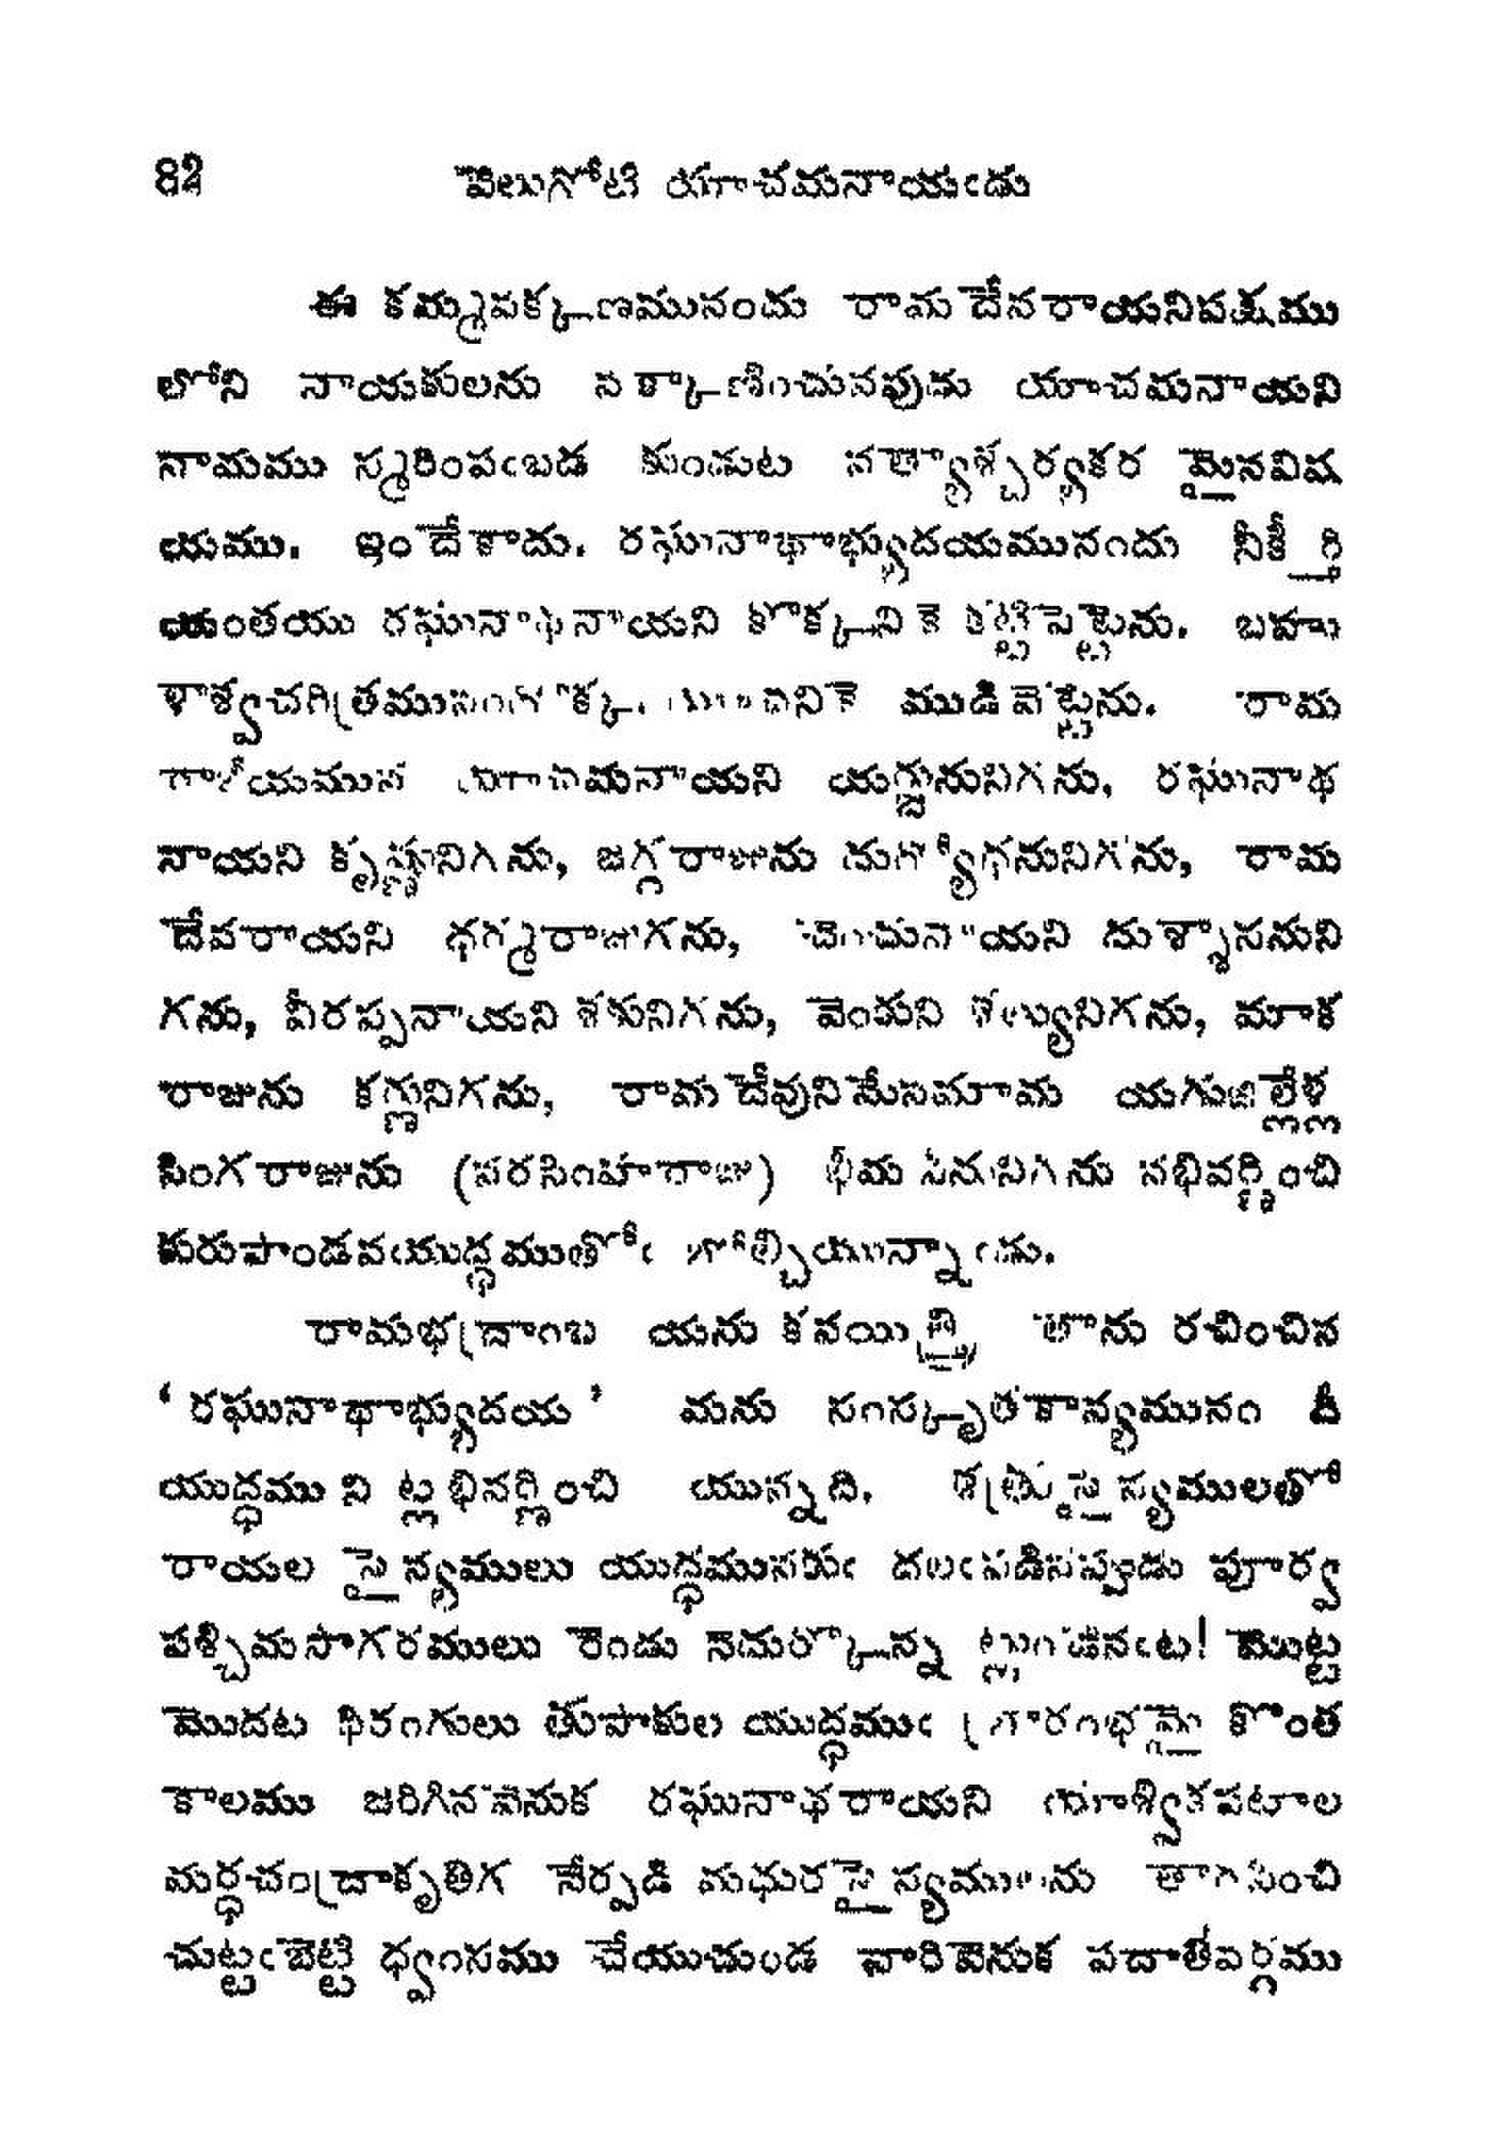ఈ కమ్మవక్కణమునందు రామదేవరాయనిపక్షములోని నాయకులను వక్కాణించునపుడు యాచమనాయని నామము స్మరింపఁబడ కుండుట నత్యాశ్చర్యకర మైనవిషయము. ఇందేకాదు. రఘునాథాభ్యుదయమునందు నీకీర్తి యంతయు రఘునాథనాయని కొక్కనికె కట్టిపెట్టెను. బహుళాశ్వచరిత్రమునందొక్క యాచనికె ముడివెట్టెను. రామ రాజీయమున యాచమనాయని యర్జునునిగను, రఘునాథనాయని కృష్ణునిగను, జగ్గరాజును దుర్యోధనునిగను, రామదేవరాయని ధర్మరాజుగను, చెంచునాయని దుశ్శాసనునిగను,వీరప్పనాయని శకునిగను, వెంకుని శల్యునిగను, మాక రాజును కర్ణునిగను, రామదేవుని మేనమామ యగుజిల్లేళ్ల సింగరాజును (నరసింహరాజు) భీమసేనునిగను నభివర్ణించి కురుపాండవయుద్ధముతోఁ బోల్చియున్నాఁడు.

రామభద్రాంబ యను కవయిత్రి తాను రచించిన 'రఘునాథాభ్యుదయ' మను సంస్కృతకావ్యమునం దీ యుద్ధము ని ట్లభివర్ణించి యున్నది. శత్రుసైన్యములతో రాయల సైన్యములు యుద్ధమునకుఁ దలఁపడినప్పుడు పూర్వ పశ్చిమసాగరములు రెండు నెదుర్కొన్న ట్లుండెనఁట! మొట్టమొదట ఫిరంగులు తుపాకుల యుద్ధముఁ బ్రారంభమై కొంత కాలము జరిగినవెనుక రఘునాథరాయని యాశ్వికపటాల మర్ధచంద్రాకృతిగ నేర్పడి మధురసైన్యములను తారసించి చుట్టఁబెట్టి ధ్వంసము చేయుచుండ వసరివెనుక పదాతివర్గము